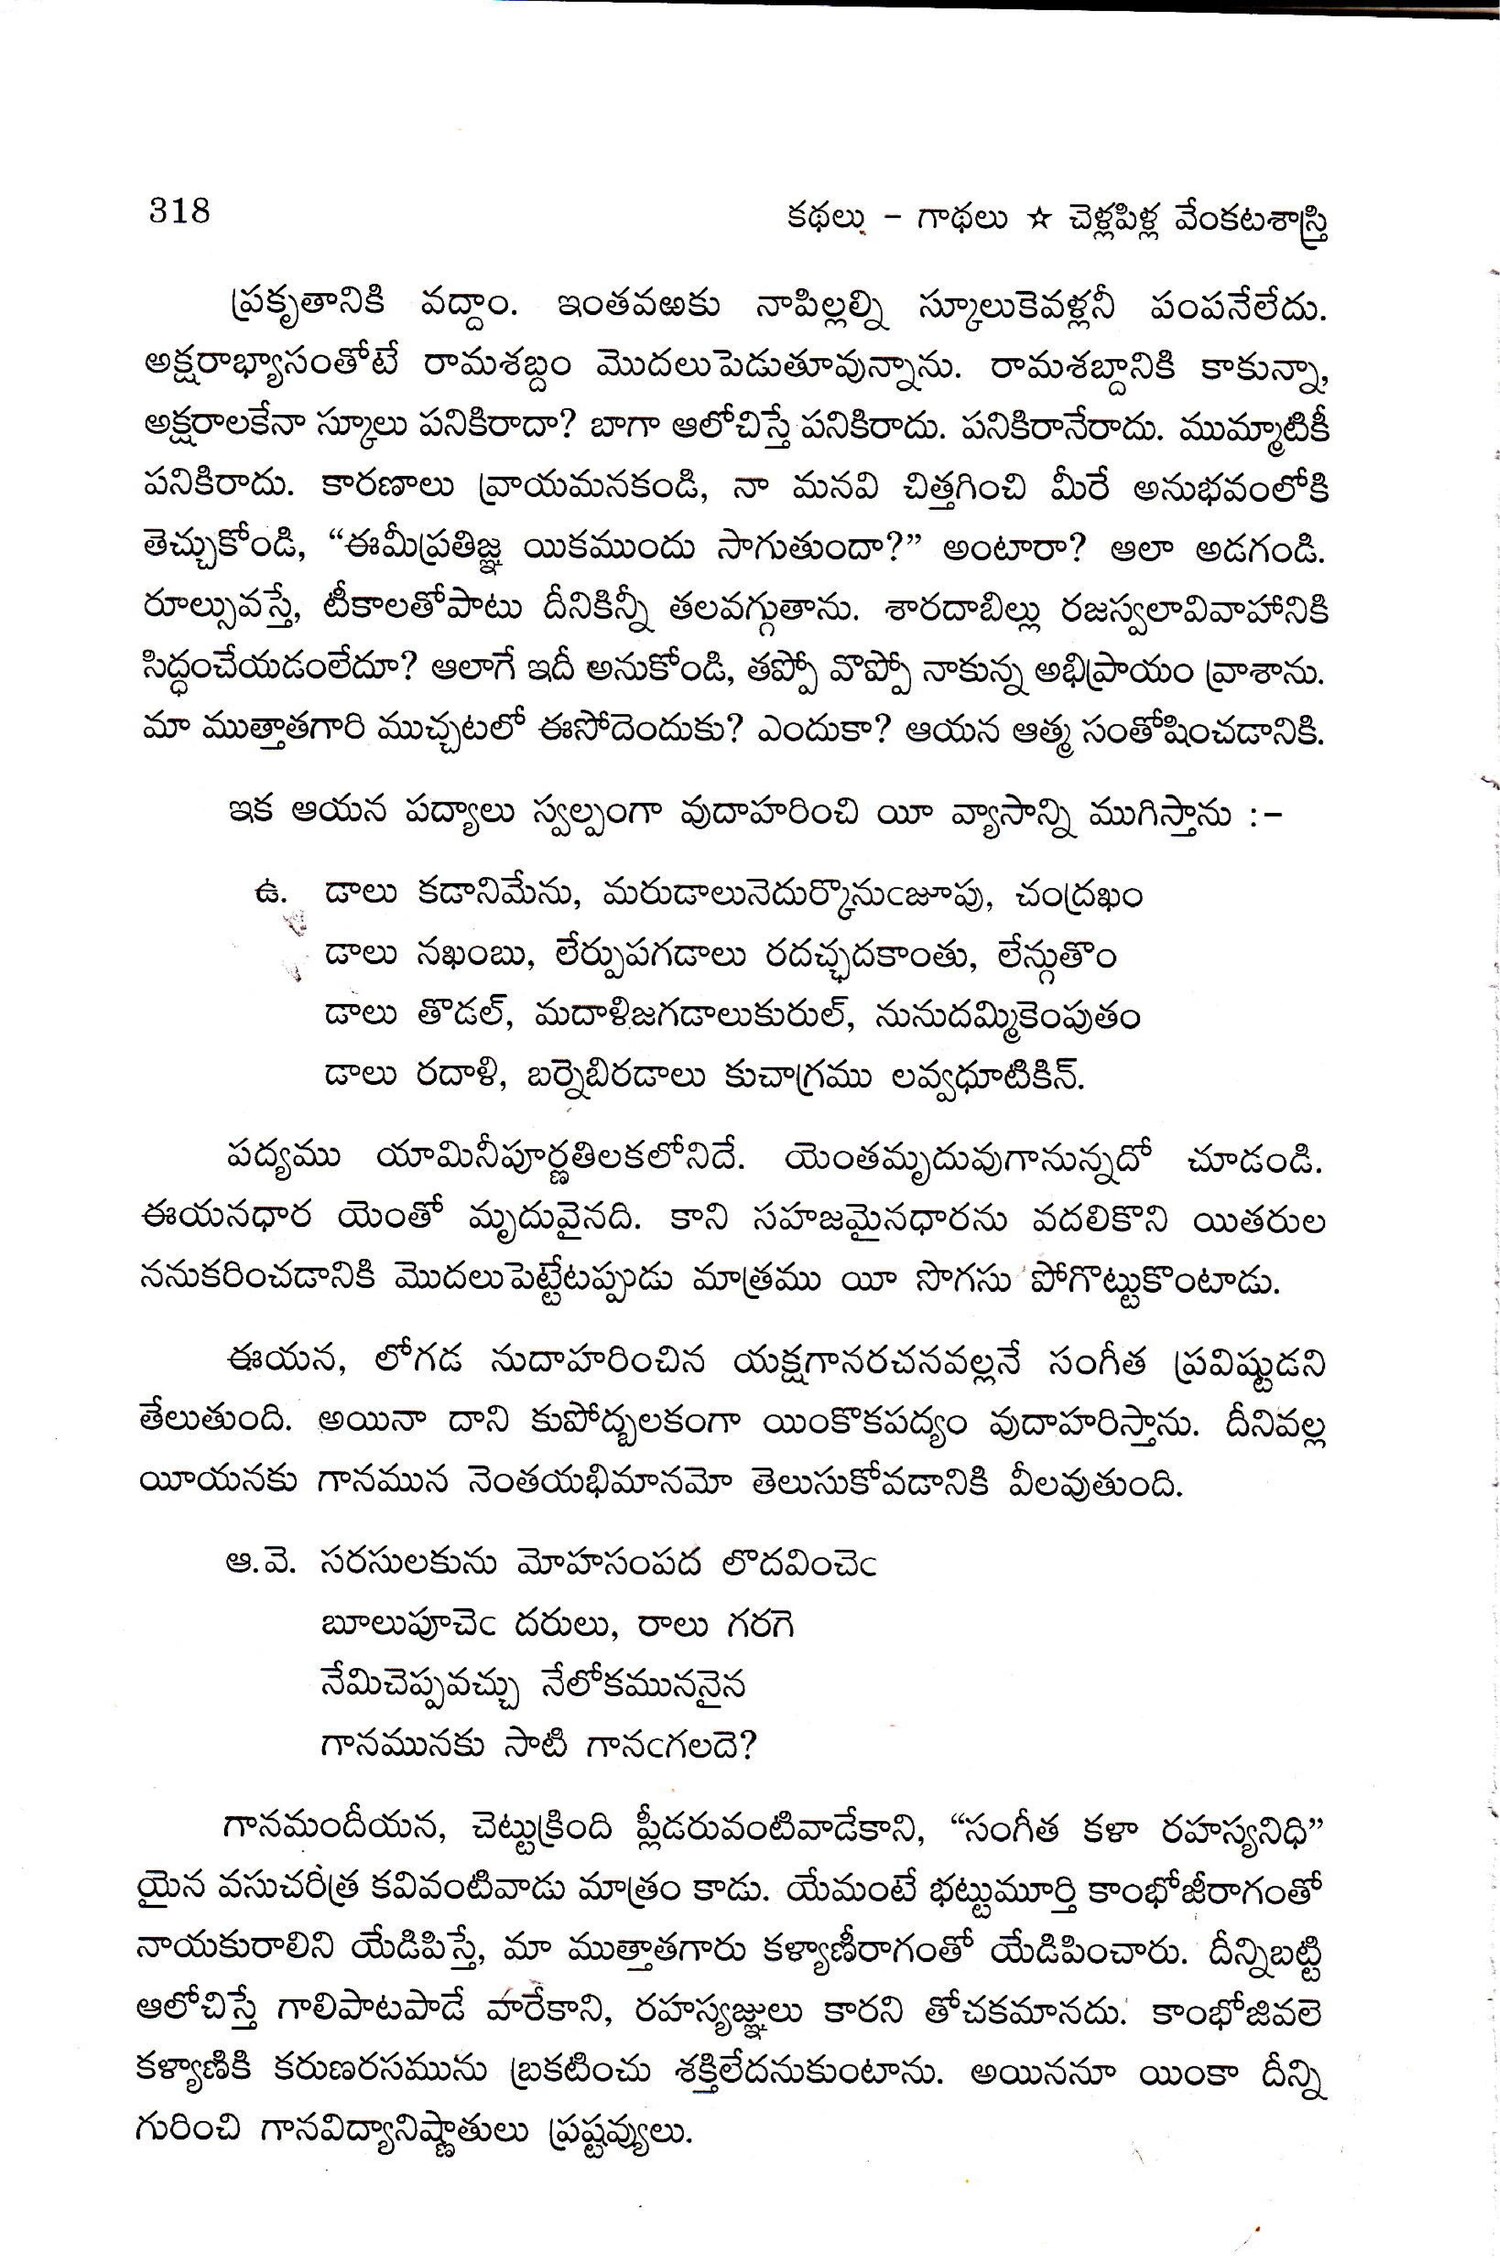ప్రకృతానికి వద్దాం. ఇంతవఱకు నాపిల్లల్ని స్కూలుకెవళ్లనీ పంపనేలేదు. అక్షరాభ్యాసంతోటే రామశబ్దం మొదలుపెడుతూవున్నాను. రామశబ్దానికి కాకున్నా అక్షరాలకేనా స్కూలు పనికిరాదా? బాగా ఆలోచిస్తే పనికిరాదు. పనికిరానేరాదు. ముమ్మాటికీ పనికిరాదు. కారణాలు వ్రాయమనకండి, నా మనవి చిత్తగించి మీరే అనుభవంలోకి తెచ్చుకోండి, “ఈమీప్రతిజ్ఞ యికముందు సాగుతుందా?” అంటారా? ఆలా అడగండి. రూల్సువస్తే, టీకాలతోపాటు దీనికిన్నీ తలవగ్గుతాను. శారదాబిల్లు రజస్వలావివాహానికి సిద్ధంచేయడంలేదూ? ఆలాగే ఇదీ అనుకోండి, తప్పో వొప్పో నాకున్న అభిప్రాయం వ్రాశాను. మా ముత్తాతగారి ముచ్చటలో ఈసోదెందుకు? ఎందుకా? ఆయన ఆత్మ సంతోషించడానికి

ఇక ఆయన పద్యాలు స్వల్పంగా వుదాహరించి యీ వ్యాసాన్ని ముగిస్తాను :-

ఉ. డాలు కడానిమేను, మరుడాలునెదుర్కొనుఁజూపు, చంద్రఖం
 డాలు నఖంబు, లేర్పుపగడాలు రదచ్ఛదకాంతు, లేన్గుతొం 
 డాలు తొడల్, మదాళిజగడాలుకురుల్, నునుదమ్మికెంపుతం
 డాలు రదాళి, బర్నెబిరడాలు కుచాగ్రము లవ్వధూటికిన్.
పద్యము యామినీపూర్ణతిలకలోనిదే. యెంతమృదువుగానున్నదో చూడండి. ఈయనధార యెంతో మృదువైనది. కాని సహజమైన ధారను వదలికొని యితరుల ననుకరించడానికి మొదలుపెట్టేటప్పుడు మాత్రము యీ సొగసు పోగొట్టుకొంటాడు.

ఈయన, లోగడ నుదాహరించిన యక్షగానరచనవల్లనే సంగీత ప్రవిష్టుడని తేలుతుంది. అయినా దాని కుపోద్బలకంగా యింకొకపద్యం వుదాహరిస్తాను. దీనివల్ల యీయనకు గానమున నెంతయభిమానమో తెలుసుకోవడానికి వీలవుతుంది.

ఆ.వె. సరసులకును మోహసంపద లొదవించెఁ
 బూలుపూచెఁ దరులు, రాలు గరగె 
 నేమిచెప్పవచ్చు నేలోకముననైన 
 గానమునకు సాటి గానఁగలదె?
గానమందీయన, చెట్టుక్రింది ప్లీడరువంటివాడేకాని, “సంగీత కళా రహస్యనిధి" యైన వసుచరిత్ర కవివంటివాడు మాత్రం కాడు. యేమంటే భట్టుమూర్తి కాంభోజీరాగంతో నాయకురాలిని యేడిపిస్తే, మా ముత్తాతగారు కళ్యాణీరాగంతో యేడిపించారు. దీన్నిబట్టి ఆలోచిస్తే గాలిపాటపాడే వారేకాని, రహస్యజ్ఞులు కారని తోచకమానదు. కాంభోజివలె కళ్యాణికి కరుణరసమును బ్రకటించు శక్తిలేదనుకుంటాను. అయిననూ యింకా దీన్ని గురించి గానవిద్యానిష్ణాతులు ప్రష్టవ్యులు.